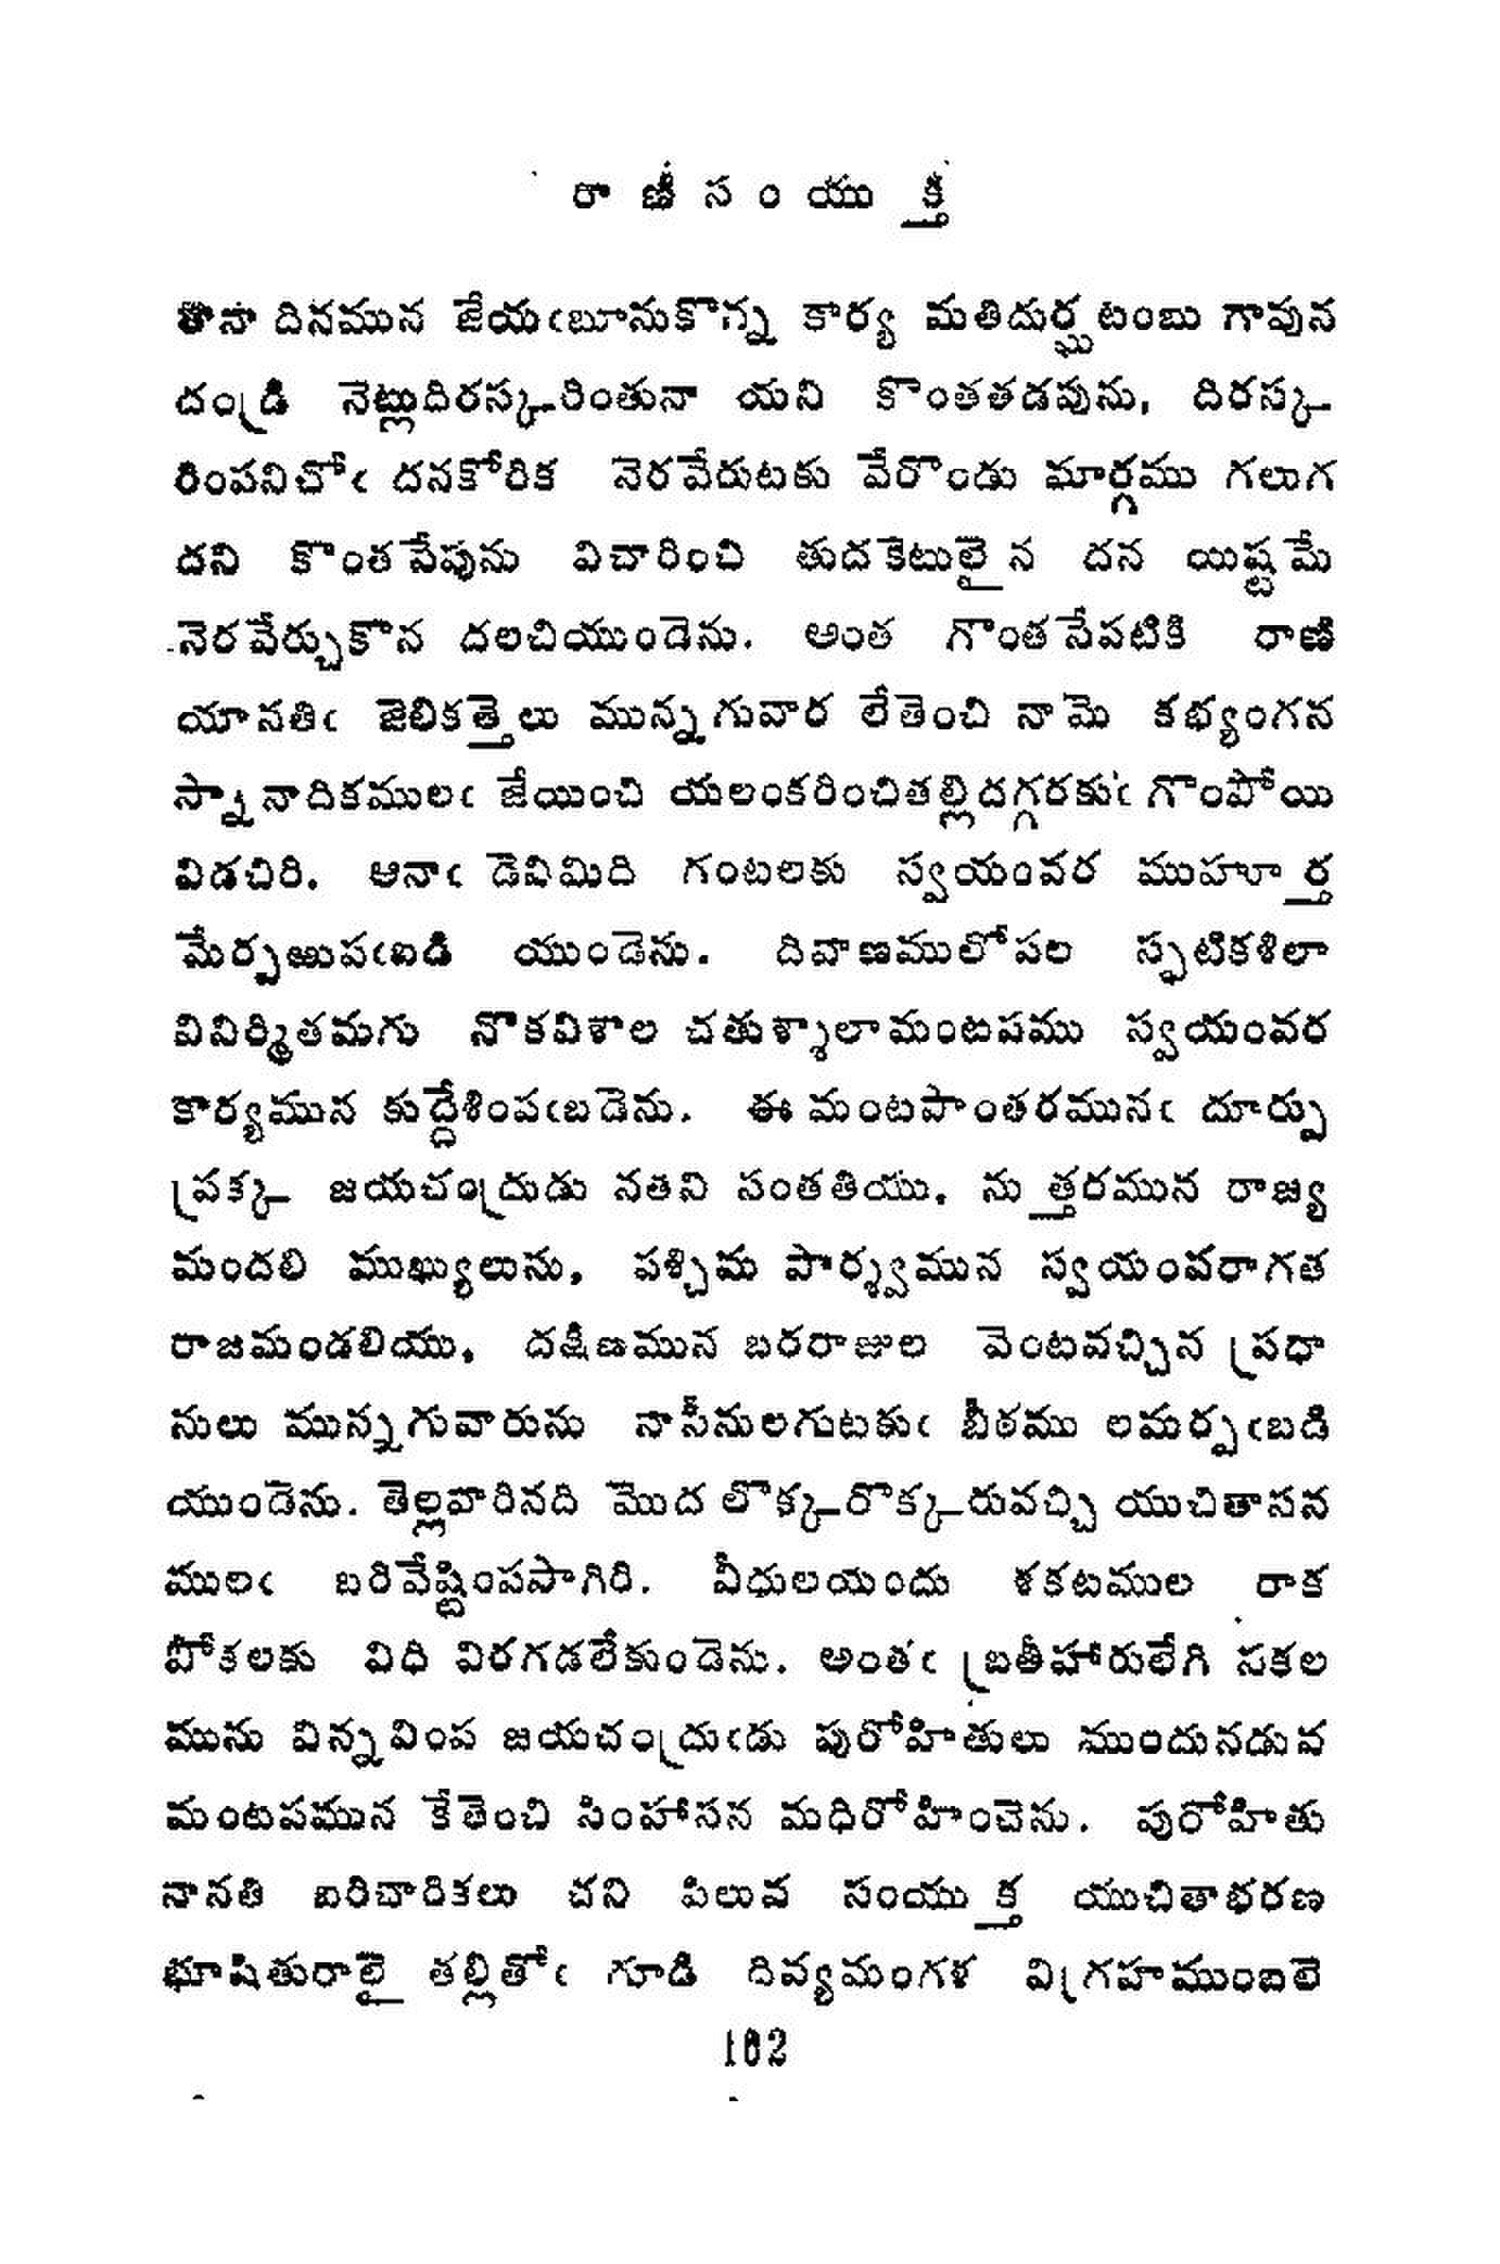తానా దినమున జేయఁబూనుకొన్న కార్య మతిదుర్ఘటంబు గావున దండ్రి నెట్లుదిరస్కరింతునా యని కొంతతడవును, దిరస్కరింపనిచోఁ దనకోరిక నెరవేరుటకు వేరొండు మార్గము గలుగదని కొంతసేపును విచారించి తుదకెటులైన దన యిష్టమే నెరవేర్చుకొన దలచియుండెను. అంత గొంతసేపటికి రాణి యానతిఁ జెలికత్తెలు మున్నగువార లేతెంచి నామె కభ్యంగన స్నానాదికములఁ జేయించి యలంకరించి తల్లిదగ్గరకుఁ గొంపోయి విడచిరి. ఆనాఁ డెనిమిది గంటలకు స్వయంవర ముహూర్త మేర్పఱుపఁబడి యుండెను. దివాణములోపల స్ఫటికశిలా వినిర్మితమగు నొకవిశాల చతుశ్శాలామంటపము స్వయంవర కార్యమున కుద్దేశింపఁబడెను. ఈ మంటపాంతరమునఁ దూర్పుప్రక్క జయచంద్రుడు నతని సంతతియు, నుత్తరమున రాజ్యమందలి ముఖ్యులును, పశ్చిమ పార్శ్వమున స్వయంవరాగత రాజమండలియు, దక్షిణమున బరరాజుల వెంటవచ్చిన ప్రధానులు మున్నగువారును నాసీనులగుటకుఁ బీఠము లమర్పఁబడి యుండెను. తెల్లవారినది మొద లొక్కరొక్కరువచ్చి యుచితాసనములఁ బరివేష్టింపసాగిరి. వీధులయందు శకటముల రాకపోకలకు విధి విరగడలేకుండెను. అంతఁ బ్రతీహారులేగి సకలమును విన్నవింప జయచంద్రుఁడు పురోహితులు ముందునడువ మంటపమున కేతెంచి సింహాసన మధిరోహించెను. పురోహితు నానతి బరిచారికలు చని పిలువ సంయుక్త యుచితాభరణ భూషితురాలై తల్లితోఁ గూడి దివ్యమంగళ విగ్రహముంబలె